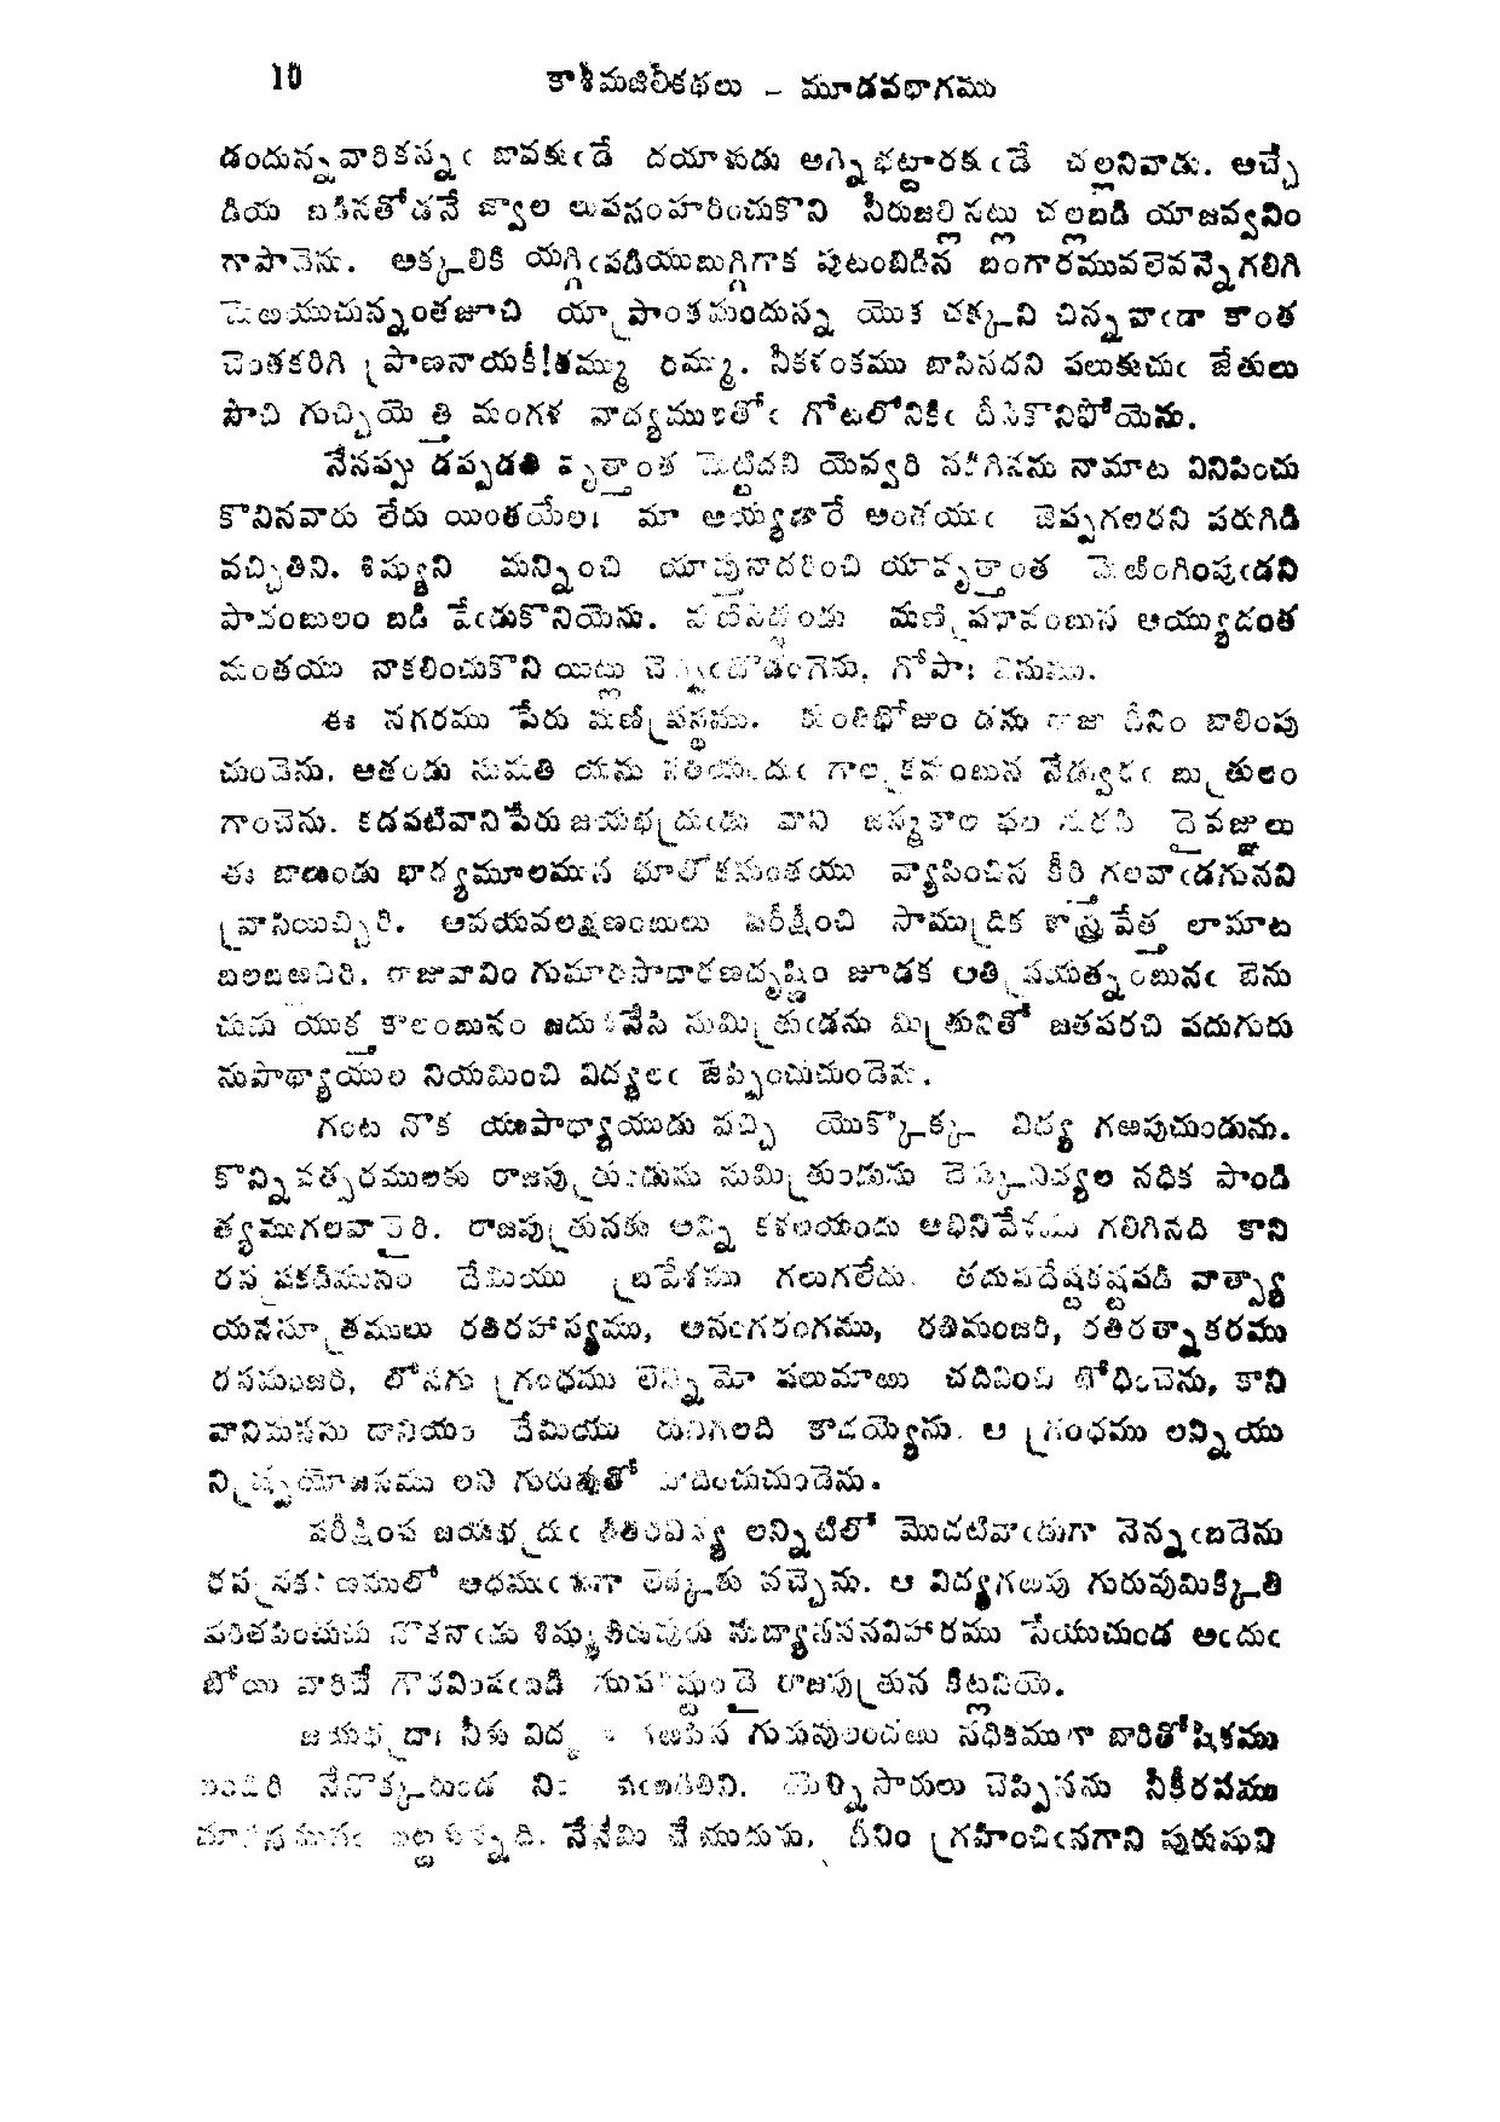డందున్నవారికన్నఁ బావకుఁడే దయాళుడు అగ్నిభట్టారకుఁడే చల్లనివాడు. అచ్చేడియ బడినతోడనే జ్వాల లుపసంహరించుకొని నీరుజల్లినట్లు చల్లబడి యాజవ్వనిం గాపాడెను. అక్కలికి యగ్గిఁపడియు బుగ్గిగాక పుటంబిడిన బంగారమువలె వన్నెగలిగి మెఱయుచున్నంత జూచి యాప్రాంతమందున్న యొకచక్కనిచిన్నవాఁ డాకాంతచెంత కరిగి ప్రాణనాయకీ! రమ్ము రమ్ము. నీకళంకము బాసినదని పలుకుచుఁ జేతులు సాచి గుచ్చియెత్తి మంగళవాద్యములతోఁ గోటలోనికిఁ దీసికొనిపోయెను.

నే నప్పు డప్పడతివృత్తాంత మెట్టిదని యెవ్వరి నడిగినను నామాట వినిపించుకొనినవారు లేరు యింతయేల? మా అయ్యగారే అంతయుఁ జెప్పగలరని పరుగిడి వచ్చితిని. శిష్వుని మన్నించి యాప్తు నాదరించి యావృత్తాంత మెఱింగింపుఁడని పాదంబులం బడి వేఁడుకొనియెను. మణిసిద్ధుండు మణిప్రభావంబున అయ్యుదంత మంతయు నాకలించుకొని యిట్లు చెప్పఁదొడంగెను. గోపా! వినుము.

ఈ నగరము పేరు మణిప్రస్థము. కుంతిభోజుండను రాజు దీనిం బాలింపుచుండెను. అతండు సుమతి యను సతియందుఁ గాలక్రమంబున నేడ్వురఁ బుత్రులం గాంచెను. కడపటివానిపేరు జయభద్రుఁడు. వాని జన్మకాలఫల మరసి దైవజ్ఞులు ఈ బాలుండు భార్యమూలమున భూలోకమంతయు వ్యాపించినకీర్తి గలవాఁడగునని వ్రాసియిచ్చిరి. అవయవలక్షణంబులు పరీక్షించి సాముద్రికశాస్త్రవేత్త లాట బలబఱచిరి. రాజు వానిం గుమారసాదారణదృష్టిం జూడక అతి ప్రయత్నంబునఁ బెనుచుచు యుక్తకాలంబునం జదువవేసి సుమిత్రుఁడను మిత్రునితో జతపరచి పదుగురు నుపాధ్యాయుల నియమించి విద్యలఁ జెప్పించుచుండెను.

గంట నొకయుపాధ్యాయుడు వచ్చి యొక్కొక్కవిద్య గఱపుచుండును. కొన్నివత్సరములకు రాజపుత్రుఁడును సుమిత్రుండును బెక్కువిద్యల నధికపాండిత్యము గలవారైరి. రాజపుత్రునకు అన్నికళలయందు ఆభినివేశము గలిగినది కాని రసప్రకరణమునం దేమియు బ్రవేశము గలుగలేదు. తదుపదేష్ట కష్టపడి వాత్స్యాయనసూత్రములు రతిరహస్యము, అనంగరంగము, రతిమంజరి, రతిరత్నాకరము, రసమంజరి, లోనగు గ్రంధము లెన్నియో పలుమాఱు చదివించి బోధించెను. కాని వానిమనసు దానియం దేమియు రుచిగలది కాదయ్యెను. ఆ గ్రంధము లన్నియు నిష్ప్రయోజనము లని గురువుతో వాదించుచుండెను. 

పరీక్షింప జయభద్రుఁ డితరవిద్య లన్నిటిలో మొదటివాఁడుగా నెన్నఁబడెను. రసప్రకరణములో ఆధముఁడుగా లెక్కకు వచ్చెను. ఆవిద్య గఱపు గురువు మిక్కిలి పరితపించుచు నొకనాఁడు శిష్యులిరువురు నుద్యానవనవిహారము సేయుచుండ అందుఁ బోయి వారిచే గౌరవింపఁబడి యుపవిష్టుండై రాజపుత్రున కిట్లనియె.

జయభద్రా ! నీకు విద్య గఱపిన గురువులందఱు నధికముగా బారితోషికము బొందిరి. నే నొక్కరుండ నిరసింపఁబడితిని. యెన్నిసారులు చెప్పినను నీకీరసము మానసమునఁ బట్టకున్నది. నే నేమి చేయుదును. దీనిం గ్రహించినఁగాని పురుషుని